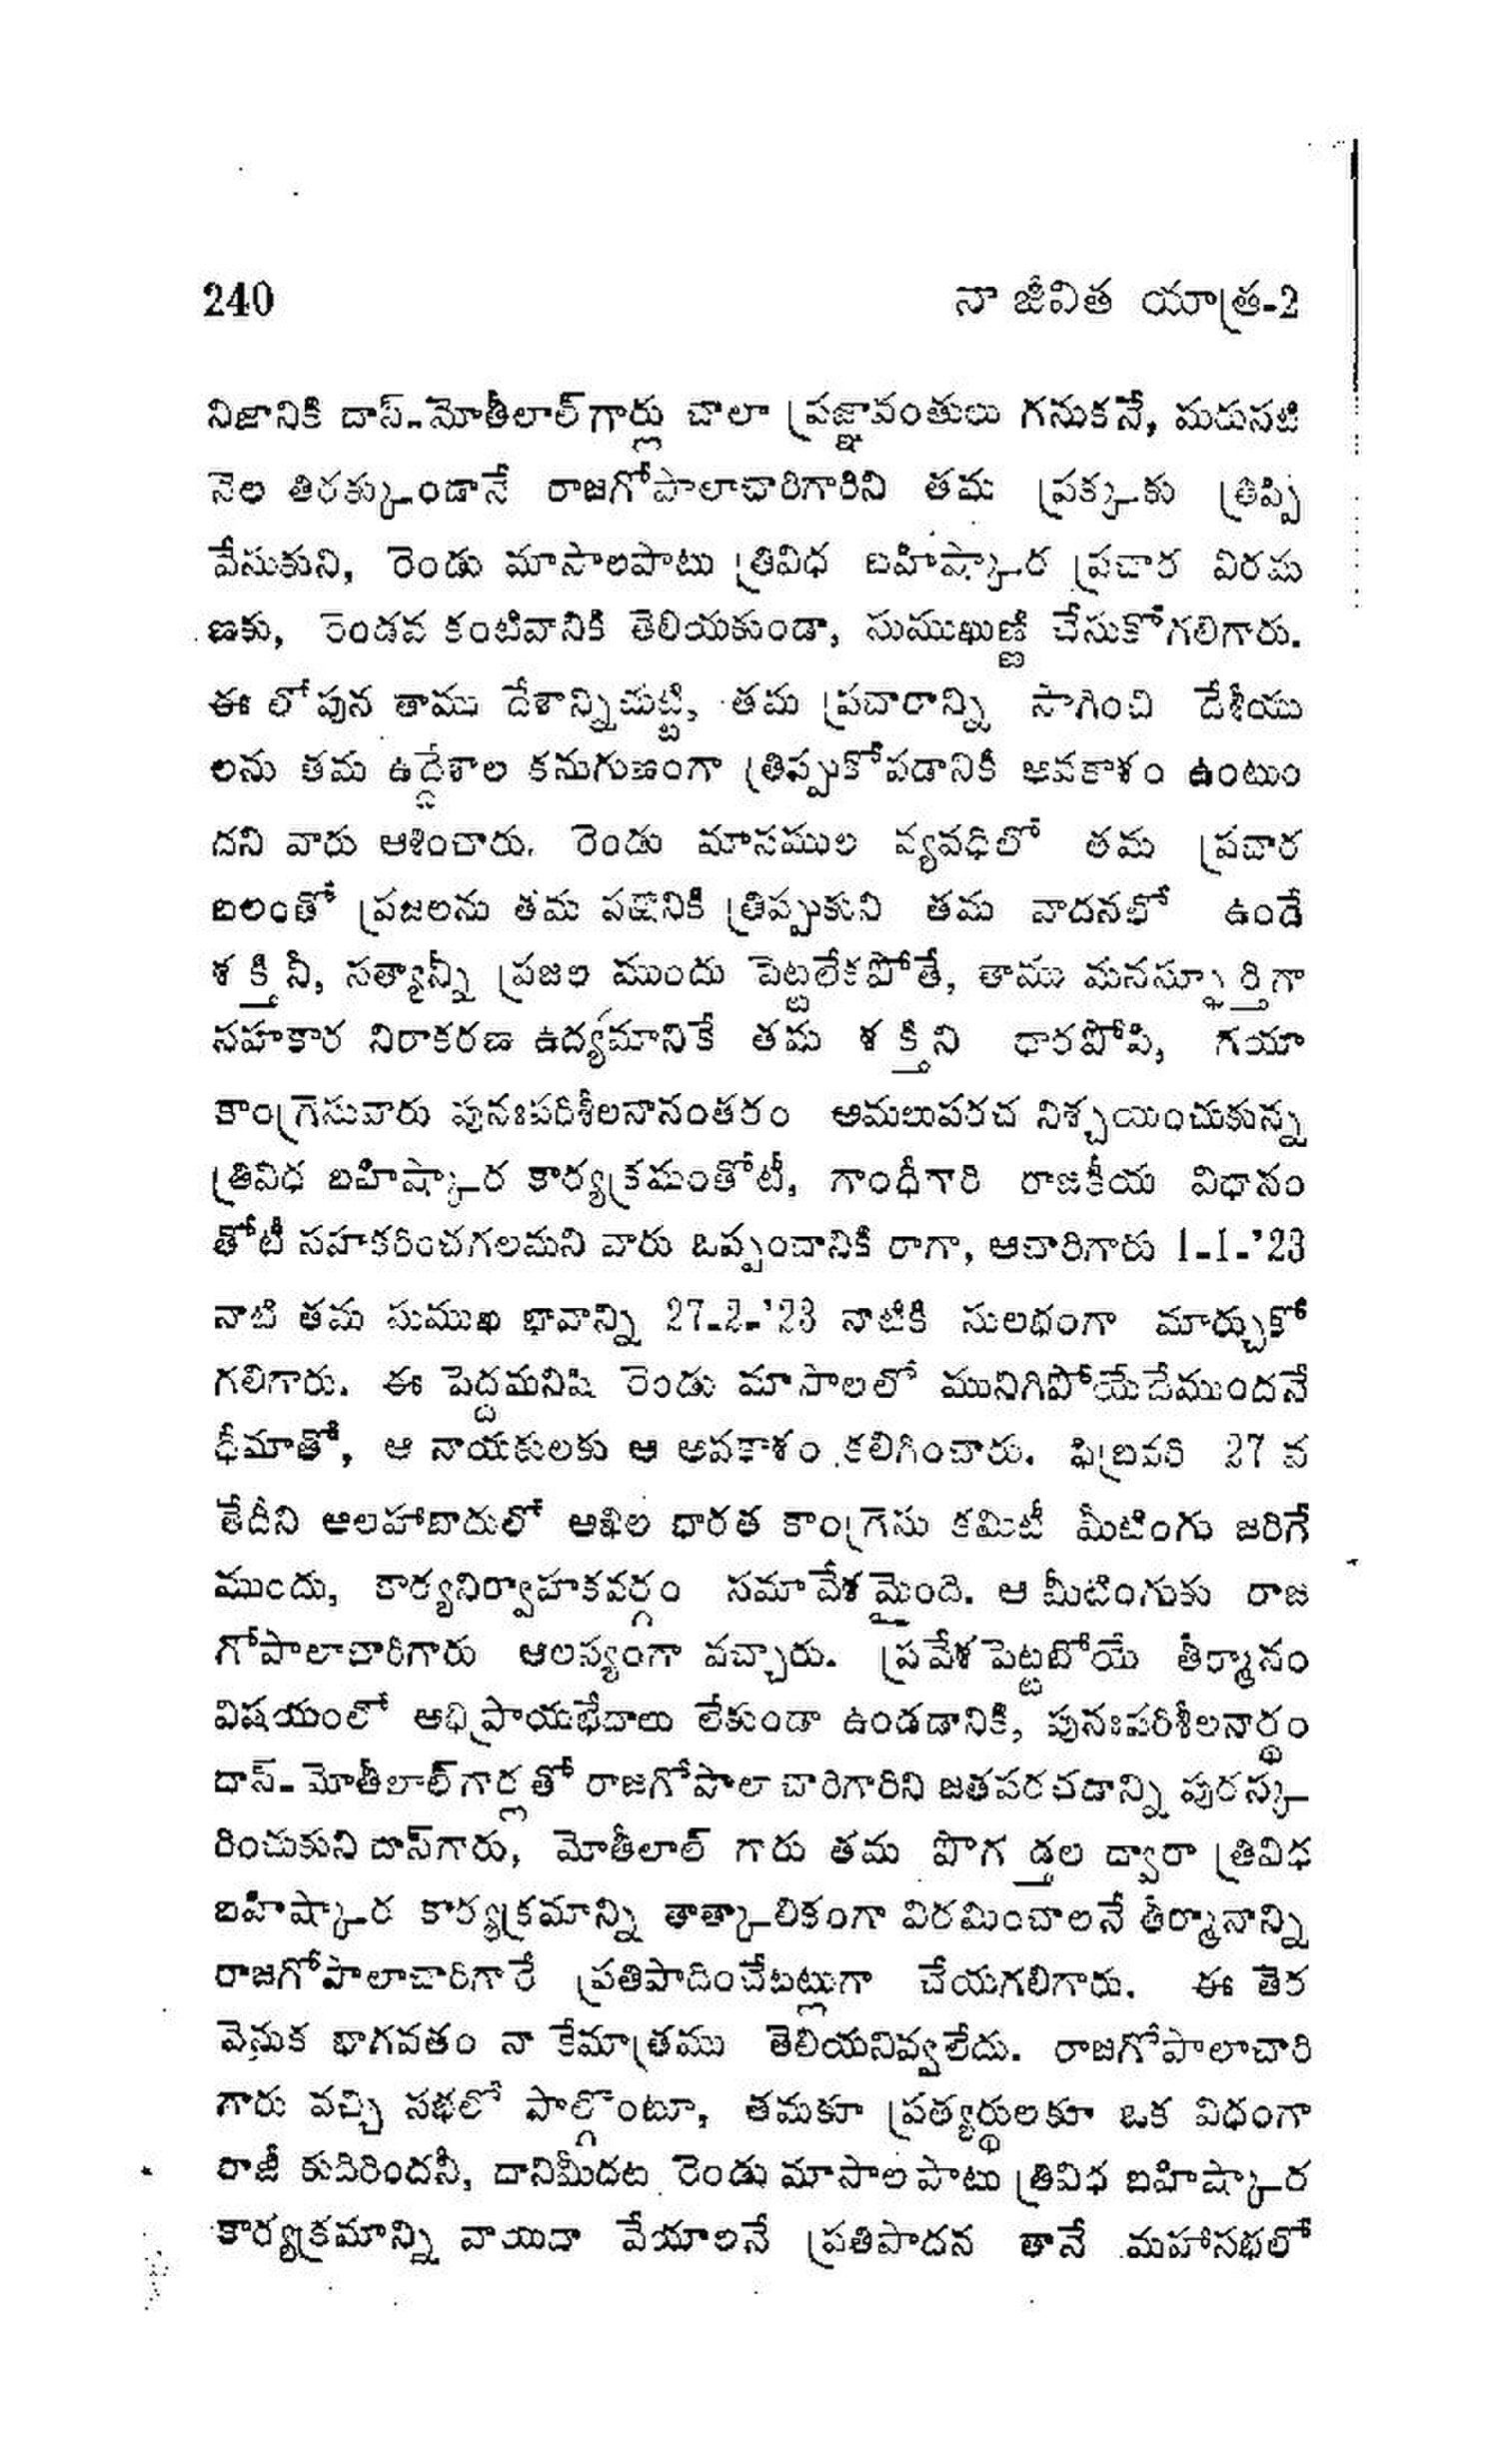నిజానికి దాస్-మోతిలాల్‌గార్లు చాలా ప్రజ్ఞావంతులు గనుకనే, మరుసటి నెల తిరక్కుండానే రాజగోపాలాచారిగారిని తమ ప్రక్కకు త్రిప్పి వేసుకుని, రెండు మాసాలపాటు త్రివిధ బహిష్కార ప్రచార విరమణకు, రెండవ కంటివానికి తెలియకుండా, సుముఖుణ్ణి చేసుకోగలిగారు. ఈ లోపున తాము దేశాన్నిచుట్టి, తమ ప్రచారాన్ని సాగించి దేశీయులను తమ ఉద్దేశాల కనుగుణంగా త్రిప్పుకోవడానికి అవకాశం ఉంటుందని వారు ఆశించారు. రెండు మాసముల వ్యవధిలో తమ ప్రచార బలంతో ప్రజలను తమ పక్షానికి త్రిప్పుకుని తమ వాదనలో ఉండేశక్తినీ, సత్యాన్నీ ప్రజల ముందు పెట్టలేకపోతే, తాము మనస్ఫూర్తిగా సహకార నిరాకరణ ఉద్యమానికే తమ శక్తిని ధారపోసి, గయా కాంగ్రెసువారు పున:పరిశీలనానంతరం అమలుపరచ నిశ్చయించుకున్న త్రివిధ బహిష్కార కార్యక్రమంతోటీ, గాంధీగారి రాజకీయ విధానం తోటీ సహకరించగలమని వారు ఒప్పందానికి రాగా, ఆచారిగారు 1-1-1923 నాటి తమ సుముఖ భావాన్ని 27-2-1923 నాటికి సులభంగా మార్చుకో గలిగారు. ఈ పెద్దమనిషి రెండు మాసాలలో మునిగిపోయేదేముందనే ధీమాతో, ఆ నాయకులకు ఆ అవకాశం కలిగించారు. పిబ్రవరి 27 వ తేదీని అలహాబాదులో అఖిల భారత కాంగ్రెసు కమిటీ మీటింగు జరిగే ముందు, కార్యనిర్వాహకవర్గం సమావేశమైంది. ఆ మీటింగుకు రాజగోపాలాచారిగారు ఆలస్యంగా వచ్చారు. ప్రవేశపెట్టబోయే తీర్మానం విషయంలో అభిప్రాయభేదాలు లేకుండా ఉండడానికి, పున:పరిశీలనార్థం దాస్-మోతిలాల్‌గార్లతో రాజగోపాలాచారిగారిని జతపరచడాన్ని పురస్కరించుకుని దాస్‌గారు, మోతీలాల్ గారు తమ పొగడ్తల ద్వారా త్రివిధ బహిష్కార కార్యక్రమాన్ని తాత్కాలికంగా విరమించాలనే తీర్మానాన్ని రాజగోపాలాచారిగారే ప్రతిపాదించేటట్లుగా చేయగలిగారు. ఈ తెరవెనుక భాగవతం నా కేమాత్రము తెలియనివ్వలేదు. రాజగోపాలాచారిగారు వచ్చి సభలో పాల్గొంటూ, తమకూ ప్రత్యర్థులకూ ఒక విధంగా రాజీ కుదిరందనీ, దానిమీదట రెండు మాసాలుపాటు త్రివిధ బహిష్కార కార్యక్రమాన్ని వాయిదా వేయాలనే ప్రతిపాదన తానే మహాసభలో